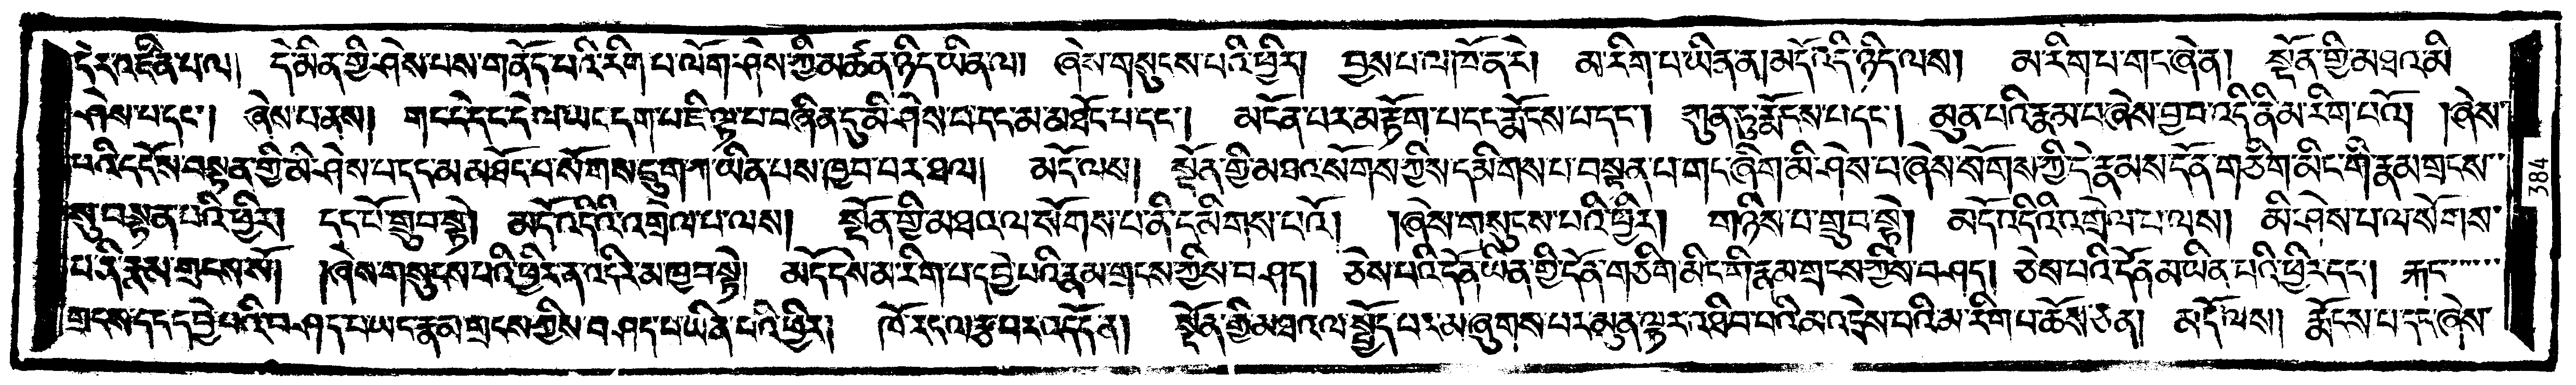དེར་འཛིན་པ་ལ། དེ་མིན་གྱི་ཤེས་པས་གནོད་པའི་རིག་པ་ལོག་ཤེས་ཀྱི་མཚན་ཉིད་ཡིན་ལ། ཞེས་གསུངས་པའི་ཕྱིར། བྱས་པ་ལ་ཁོ་ན་རེ། མ་རིག་པ་ཡིན་ན། མདོ་འདི་ཉིད་ལས། མ་རིག་པ་གང་ཞེ་ན། སྔོན་གྱི་མཐའ་མི་
ཤེས་པ་དང་། ཞེས་པ་ནས། གང་དེ་དང་དེ་ལ་ཡང་དག་པ་ཇི་ལྟ་བ་བཞིན་དུ་མི་ཤེས་པ་དང་མ་མཐོང་པ་དང་། མངོན་པར་མ་རྟོག་པ་དང་རྨོངས་པ་དང་། ཀུན་ཏུ་རྨོངས་པ་དང་། མུན་པའི་རྣམ་པ་ཞེས་བྱ་བ་འདི་ནི་མ་རིག་པའོ། །ཞེས་
པའི་དངོས་བསྟན་གྱི་མི་ཤེས་པ་དང་མ་མཐོང་བ་སོགས་དྲུག་ཀ་ཡིན་པས་ཁྱབ་པར་ཐལ། མདོ་ལས། སྔོན་གྱི་མཐའ་སོགས་ཀྱིས་དམིགས་པ་བསྟན་པ་གང་ཞིག་མི་ཤེས་པ་ཞེས་སོགས་ཀྱི་དེ་རྣམས་དོན་གཅིག་མིང་གི་རྣམ་གྲངས་
སུ་བསྟན་པའི་ཕྱིར། དང་པོ་གྲུབ་སྟེ། མདོ་འདིའི་འགྲེལ་པ་ལས། སྔོན་གྱི་མཐའ་ལ་སོགས་པ་ནི་དམིགས་པའོ། །ཞེས་གསུངས་པའི་ཕྱིར། གཉིས་པ་གྲུབ་སྟེ། མདོ་འདིའི་འགྲེལ་པ་ལས། མི་ཤེས་པ་ལ་སོགས་
པ་ནི་རྣམ་གྲངས་སོ། །ཞེས་གསུངས་པའི་ཕྱིར་ན་འདིར་མ་ཁྱབ་སྟེ། མདོ་དེས་མ་རིག་པ་དབྱེ་བའི་རྣམ་གྲངས་ཀྱིས་བཤད། ཅེས་པའི་དོན་ཡིན་གྱི་དོན་གཅིག་མིང་གི་རྣམ་གྲངས་ཀྱིས་བཤད། ཅེས་པའི་དོན་མ་ཡིན་པའི་ཕྱིར་དང་། རྐང་
གྲངས་དང་དབྱེ་བའི་བཤད་པ་ཡང་རྣམ་གྲངས་ཀྱིས་བཤད་པ་ཡིན་པའི་ཕྱིར། ཁོ་རང་ལ་རྩ་པར་འདོད་ན། སྔོན་གྱི་མཐའ་ལ་སྤྱོད་པར་མ་ཞུགས་པར་མུན་ལྟར་འཐིབ་པའི་མ་འདྲེས་པའི་མ་རིག་པ་ཆོས་ཅན། མདོ་ལས། རྨོངས་པ་དང་ཞེས་